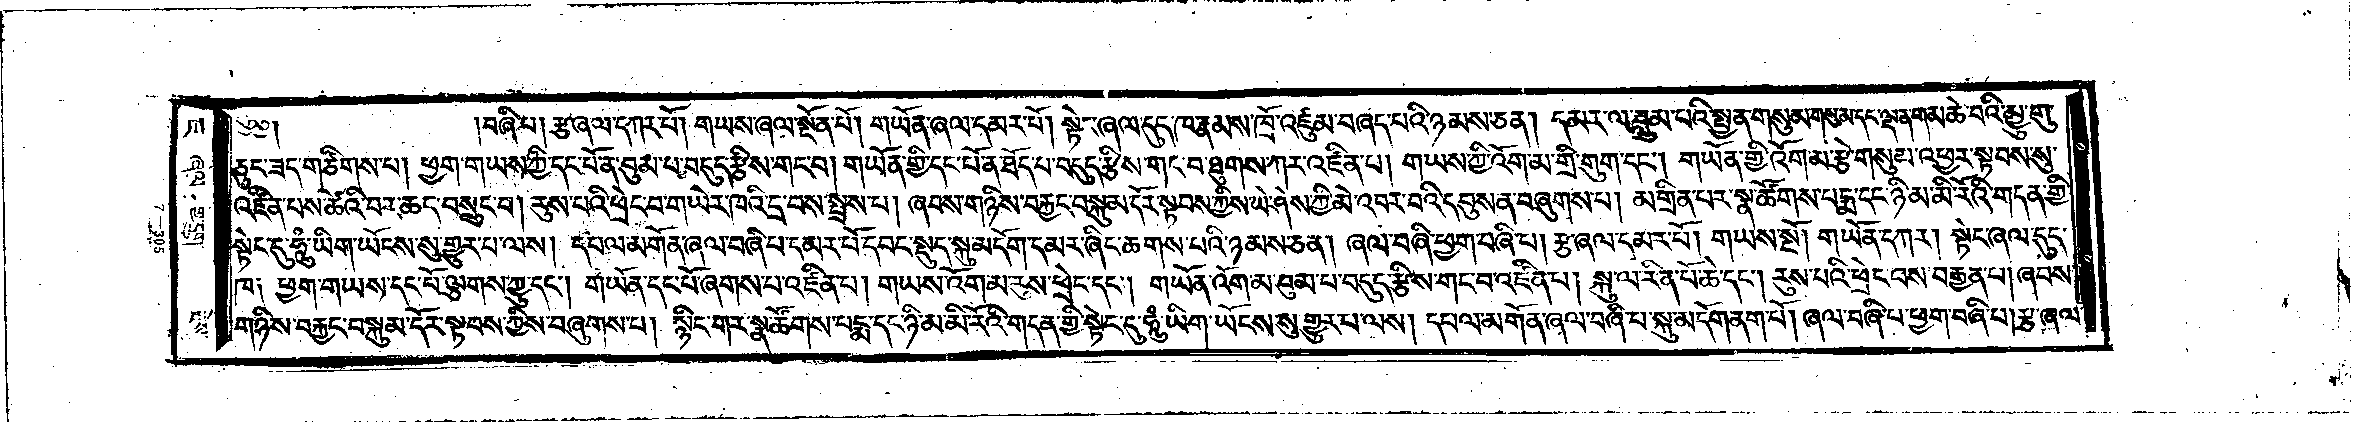༄༅། །བཞི་པ། རྩ་ཞལ་དཀར་པོ། གཡས་ཞལ་སྔོན་པོ། གཡོན་ཞལ་དམར་པོ། སྟེང་ཞལ་དུད་ཁ་རྣམས་ཁྲོ་འཛུམ་བཞད་པའི་ཉམས་ཅན། དམར་ལ་ཟླུམ་པའི་སྤྱན་གསུམ་གསུམ་དང་ལྡན་བ། མཆེ་བའི་མྱུ་གུ་
ཅུང་ཟད་གཙིགས་པ། ཕྱག་གཡས་ཀྱི་དང་པོ་ན་བུམ་པ་བདུད་རྩིས་གང་བ། གཡོན་གྱི་དང་པོ་ན་ཐོད་པ་བདུད་རྩིས་གང་བ་ཐུགས་ཀར་འཛིན་པ། གཡས་ཀྱི་འོག་མ་གྲི་གུག་དང་། གཡོན་གྱི་འོག་མ་རྩེ་གསུམ་འཕྱར་སྟབས་སུ་
འཛིན་པས་ཚེའི་བར་ཆད་བསྲུང་བ། རུས་པའི་ཕྲེང་བ་གཡེར་ཁའི་དྲ་བས་སྦྲས་པ། ཞབས་གཉིས་བརྐྱང་བསྐུམ་དོར་སྟབས་ཀྱིས་ཡེ་ཤེས་ཀྱི་མེ་འབར་བའི་དབུས་ན་བཞུགས་པ། མགྲིན་པར་སྣ་ཚོགས་པདམ་དང་ཉི་མ་མི་རོའི་གདན་གྱི་
སྟེང་དུ་ཧཱུཾ་ཡིག་ཡོངས་སུ་གྱུར་པ་ལས། དཔལ་མགོན་ཞལ་བཞི་པ་དམར་པོ་དབང་སྡུད་སྐུ་མདོག་དམར་ཞིང་ཆགས་པའི་ཉམས་ཅན། ཞལ་བཞི་ཕྱག་བཞི་པ། རྩ་ཞལ་དམར་བོ། གཡས་སྔོ། གཡོན་དཀར། སྟེང་ཞལ་དུད་
ཁ༑ ཕྱག་གཡས་དང་པོ་ལྕགས་ཀྱུ་དང་། གཡོན་དང་པོ་ཞགས་པ་འཛིན་པ། གཡས་འོག་མ་རུས་ཕྲེང་དང་། གཡོན་འོག་མ་བུམ་པ་བདུད་རྩིས་གང་བ་འཛིན་པ། སྐུ་ལ་རིན་པོ་ཆེ་དང་། རུས་པའི་ཕྲེང་བས་བརྒྱན་པ། ཞབས་
གཉིས་བརྐྱང་བསྐུམ་དོར་སྟབས་ཀྱིས་བཞུགས་པ། སྙིང་གར་སྣ་ཚོགས་པདམ་དང་ཉི་མ་མི་རོའི་གདན་གྱི་སྟེང་དུ་ཧཱུཾ་ཡིག་ཡོངས་སུ་གྱུར་པ་ལས། དཔལ་མགོན་ཞལ་བཞི་པ་སྐུ་མདོག་ནག་པོ། ཞལ་བཞི་པ་ཕྱག་བཞི་པ། རྩ་ཞལ་